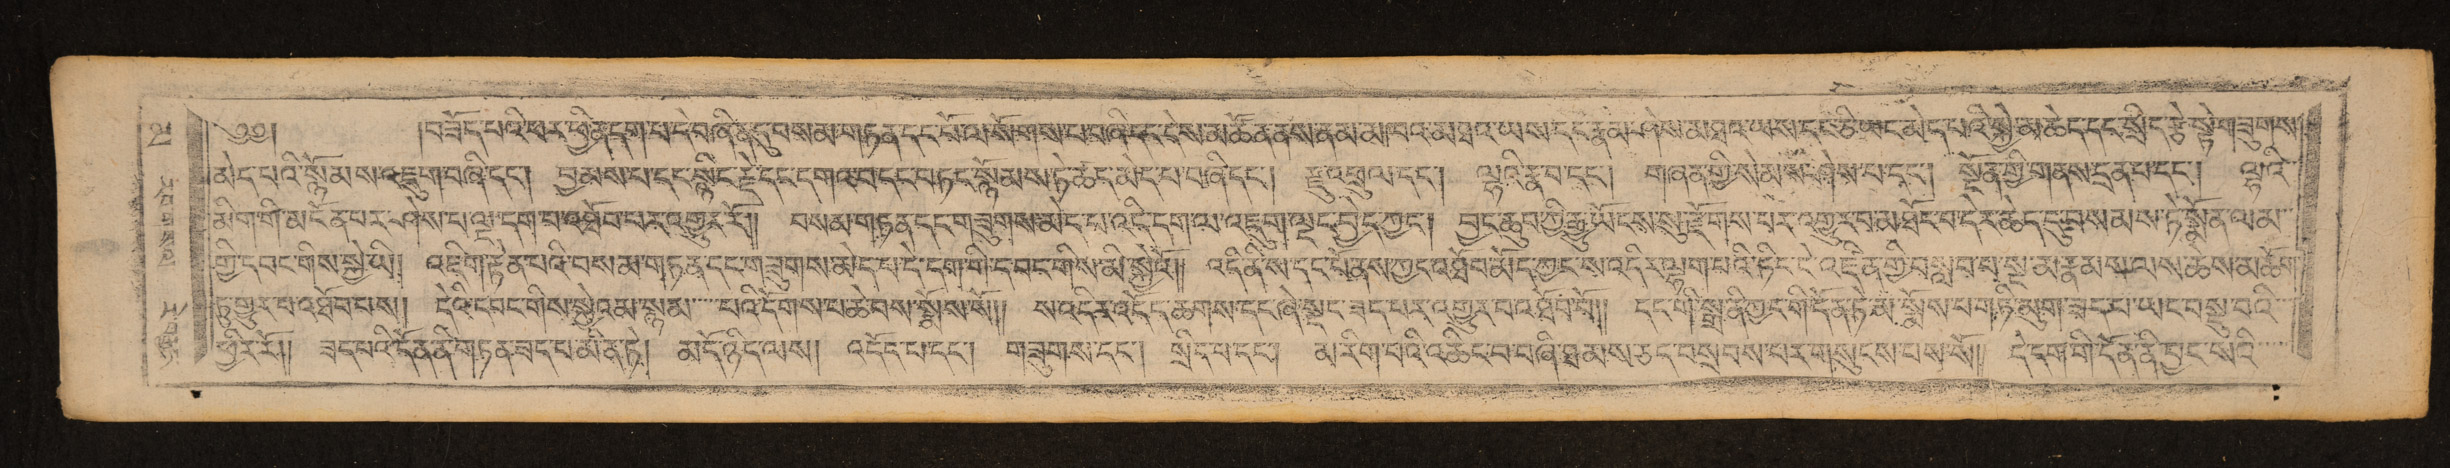༄༅། །བཟོད་པའི་ཕར་ཕྱིན་དག་པ་དེ་བཞིན་དུ་བསམ་གཏན་དང་པོ་ལ་སོགས་པ་བཞི་དང་དེས་མཚོན་ནས་ནམ་མཁའ་མཐའ་ཡས་དང་རྣམ་ཤེས་མཐའ་ཡས་དང་ཅི་ཡང་མེད་པའི་སྐྱེ་མཆེད་དང་སྲིད་རྩེ་སྟེ་གཟུགས་
མེད་པའི་སྙོམས་འཇུག་བཞི་དང་། བྱམས་པ་དང་སྙིང་རྗེ་དང་དགའ་བ་དང་བཏང་སྙོམས་ཏེ་ཚད་མེད་པ་བཞི་དང་། རྫུ་འཕྲུལ་དང་། ལྷའི་རྣ་བ་དང་། གཞན་གྱི་སེམས་ཤེས་པ་དང་། སྔོན་གྱི་གནས་དྲན་པ་དང་། ལྷའི་
མིག་གི་མངོན་པར་ཤེས་པ་ལྔ་དག་པ་འཐོབ་པར་འགྱུར་རོ།། བསམ་གཏན་དང་གཟུགས་མེད་པ་འདི་དག་ལ་འཇུག་ལྡང་བྱེད་ཀྱང་། བྱང་ཆུབ་ཀྱི་རྒྱུ་ཡོངས་སུ་རྫོགས་པར་འགྱུར་བ་མཐོང་བ་དེར་ཆེད་དུ་བསམས་ཏེ་སྨོན་ལམ་
གྱི་དབང་གིས་སྐྱེ་ཡི། འཇིག་རྟེན་པའི་བསམ་གཏན་དང་གཟུགས་མེད་པ་དེ་དག་གི་དབང་གིས་མི་སྐྱེའོ།། འདི་ནི་ས་དང་པོ་ནས་ཀྱང་འཐོབ་མོད་ཀྱང་ས་འདིར་ལྷག་པའི་ཏིང་ངེ་འཛིན་གྱི་བསླབ་པ་སྔ་མ་རྣམས་ལས་ཆེས་མཆོག་
ཏུ་གྱུར་པ་འཐོབ་པས། དེའི་དབང་གིས་སྐྱེའམ་སྙམ་པའི་དོགས་པ་ཆེ་བས་སྨོས་སོ།། ས་འདིར་འདོད་ཆགས་དང་ཞེ་སྡང་ཟད་པར་འགྱུར་བ་འཐོབ་བོ།། དང་གི་སྒྲ་ནི་ཀྱང་གི་དོན་ཏེ་མ་སྨོས་པ་གཏི་མུག་ཟད་པ་ཡང་བསྡུ་བའི་
ཕྱིར་རོ།། ཟད་པའི་དོན་ནི་གཏན་ཟད་པ་མིན་ཏེ། མདོ་ཉིད་ལས། འདོད་པ་དང་། གཟུགས་དང་། སྲིད་པ་དང་། མ་རིག་པའི་འཆིང་བ་བཞི་ཐམས་ཅད་བསྲབས་པར་གསུངས་པས་སོ།། དེ་དག་གི་དོན་ནི་བྱང་སའི་